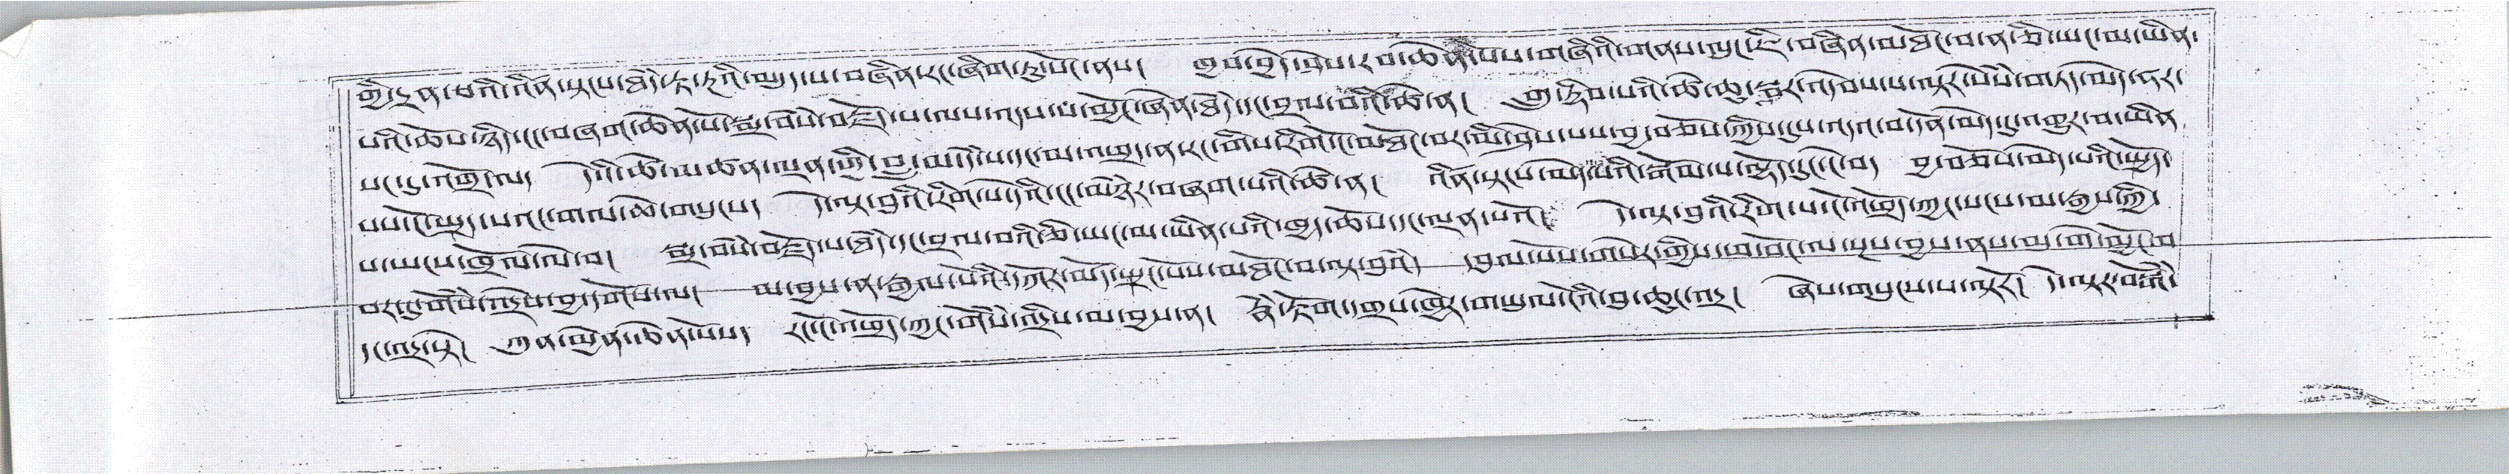གྱི་དྲན་པའི་འཛིན་སྟངས་ཐམས་ཅད་རྟ་རྔའི་མདུད་པ་བཞིན་རང་ཞིག་ཏུ་སོང་ནས་ཁྱབ་བྱེད་ཤེས་རབ་ཆེན་པོས་གཞིའི་གནས་ལུགས་ཇི་བཞིན་མཐོང་བ་ན་ཅི་ཡང་མ་ཡིན་
པའི་ཆོས་ཉིད་ངང་བཞག་ཆེན་པོ་སྨྲ་བསམ་བརྗོད་པ་ལས་འདས་པ་མྱོང་ཞེན་ཐམས་ཅད་དང་བྲལ་བའི་ཚེ་ན་གྲུ་རྡིབ་པའི་ཚེ་ཆུ་སྤར་འདེབས་པ་ལྟར་སེམས་གཏད་མེད་ཧར་
མེད་སང་དུ་འགྲོ་ལ། དེའི་ཚེ་མཚན་ལྡན་གྱི་བླ་མ་དམ་པ་དང་མ་འཕྲད་ན་རང་གིས་རིག་ངོ་མཐོང་བར་མི་ཤེས་པས་བྱ་བཅོས་ཀྱིས་དུས་འདའ་བ་དོན་མེད་དུ་འགྱུར་བ་ཡིན་
པས་ངོ་སྤྲད་པའང་གལ་ཆེ་གསུངས། དེ་ལྟ་བུའི་རིག་པ་དེའི་ངང་མཉམ་པར་བཞག་པའི་ཚེ་ན། འཛིན་སྟངས་མེད་པའི་གོམས་པ་ལྷོད་དུང་ངེ་བ། བྱ་བཅོས་མེད་པའི་སྤྱོད་
པ་ཡངས་ཁྲོལ་ལེ་བ། སྨྲ་བསམ་བརྗོད་པ་ཐམས་ཅད་དང་བྲལ་བའི་ཅི་ཡང་མ་ཡིན་པའི་ཁྱད་ཆོས་དང་ལྡན་པའོ། དེ་ལྟ་བུའི་རིག་པ་ངོ་འཕྲོད་ཀྱང་སངས་མ་རྒྱས་ཀྱི་
བར་དུ་གོམས་འདྲིས་བྱ་དགོས་ལ། མ་བྱས་ན་རྒྱལ་པོའི་དཀོར་མཛོད་སྤྲང་པོས་མཐོང་བ་ལྟ་བུའམ། དབུལ་པོས་གསེར་གྱི་ཕ་བོང་ལ་སྔས་བྱས་ནས་མུག་གེ་མྱོང་བ་
དང་འདྲ་སྟེ། ཀུན་མཁྱེན་ཆེན་པོས། རང་ངོ་འཕྲོད་ཀྱང་གོམས་འདྲིས་མ་བྱས་ན། རྣམ་རྟོག་དགྲས་ཁྱེར་གཡུལ་ངོའི་བུ་ཆུང་འདྲ། ཞེས་གསུངས་པ་ལྟར་རོ། དེ་ལྟར་བསྒོམ་